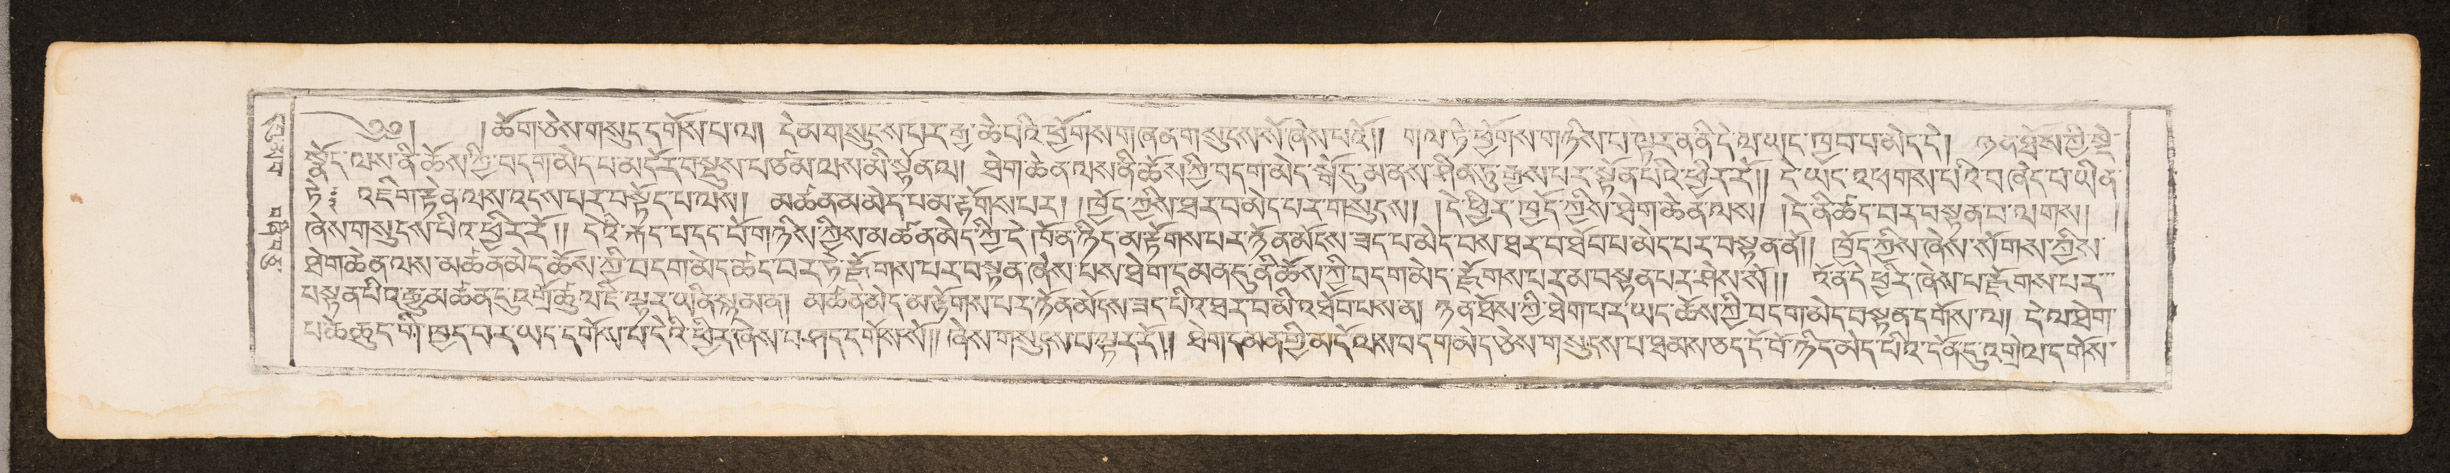༄༅། །ཆོག་ཅེས་གསུང་དགོས་པ་ལ། དེ་མ་གསུངས་པར་རྒྱ་ཆེ་བའི་ཕྱོགས་གཞན་གསུངས་སོ་ཞེས་པའོ།། གལ་ཏེ་ཕྱོགས་གཉིས་པ་ལྟར་ན་ནི་དེ་ལ་ཡང་ཁྱབ་པ་མེད་དེ། ཉན་ཐོས་ཀྱི་སྡེ་
སྣོད་ལས་ནི་ཆོས་ཀྱི་བདག་མེད་པ་མདོར་བསྡུས་པ་ཙམ་ལས་མི་སྟོན་ལ། ཐེག་ཆེན་ལས་ནི་ཆོས་ཀྱི་བདག་མེད་སྒོ་དུ་མ་ནས་ཤིན་ཏུ་རྒྱས་པར་སྟོན་པའི་ཕྱིར་རོ།། དེ་ཡང་འཕགས་པའི་བཞེད་པ་ཡིན་
ཏེ༑ འཇིག་རྟེན་ལས་འདས་པར་བསྟོད་པ་ལས། མཚན་མ་མེད་པ་མ་རྟོགས་པར། །ཁྱོད་ཀྱིས་ཐར་བ་མེད་པར་གསུངས། །དེ་ཕྱིར་ཁྱོད་ཀྱིས་ཐེག་ཆེན་ལས། །དེ་ནི་ཚད་བར་བསྟན་པ་ལགས། །
ཞེས་གསུངས་པའི་ཕྱིར་རོ།། དེའི་རྐང་པ་དང་པོ་གཉིས་ཀྱིས་མཚན་མེད་ཀྱི་དེ་ཁོ་ན་ཉིད་མ་རྟོགས་པར་ཉོན་མོངས་ཟད་པ་མེད་པས་ཐར་བ་ཐོབ་པ་མེད་པར་བསྟན་ནོ།། ཁྱོད་ཀྱིས་ཞེས་སོགས་ཀྱིས་
ཐེག་ཆེན་ལས་མཚན་མེད་ཆོས་ཀྱི་བདག་མེད་ཚང་བར་ཏེ་རྫོགས་པར་བསྟན་ཞེས་པས་ཐེག་དམན་དུ་ནི་ཆོས་ཀྱི་བདག་མེད་རྫོགས་པར་མ་བསྟན་པར་ཤེས་སོ།། འོ་ན་དེ་ཕྱིར་ཞེས་པ་རྫོགས་པར་
བསྟན་པའི་རྒྱུ་མཚན་དུ་འགྲོ་ཚུལ་ཇི་ལྟར་ཡིན་སྙམ་ན། མཚན་མེད་མ་རྟོགས་པར་ཉོན་མོངས་ཟད་པའི་ཐར་བ་མི་འཐོབ་པས་ན། ཉན་ཐོས་ཀྱི་ཐེག་པར་ཡང་ཆོས་ཀྱི་བདག་མེད་བསྟན་དགོས་ལ། དེ་ལ་ཐེག་
པ་ཆེ་ཆུང་གི་ཁྱད་པར་ཡང་དགོས་པ་དེའི་ཕྱིར་ཞེས་བཤད་དགོས་སོ།། ཞེས་གསུངས་པ་ལྟར་རོ།། ཐེག་དམན་གྱི་མདོ་ལས་བདག་མེད་ཅེས་གསུངས་པ་ཐམས་ཅད་ངོ་བོ་ཉིད་མེད་པའི་དོན་དུ་འགྲེལ་དགོས་